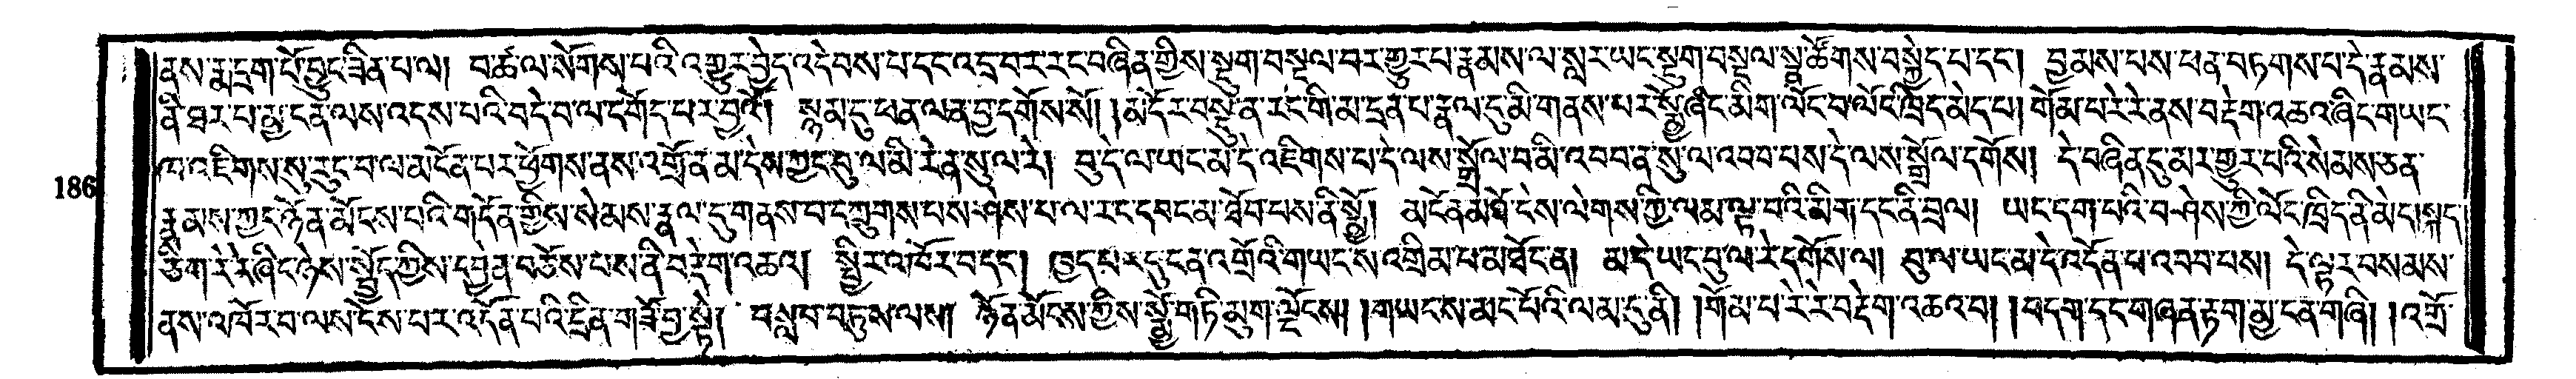ནས་རྨ་དྲག་པོ་བྱུང་ཟིན་པ་ལ། བ་ཚ་ལ་སོགས་པའི་འགྱུར་བྱེད་འདེབས་པ་དང་འདྲ་བར་རང་བཞིན་གྱིས་སྡུག་བསྔལ་བར་གྱུར་པ་རྣམས་ལ་སླར་ཡང་སྡུག་བསྔལ་སྣ་ཚོགས་བསྐྱེད་པ་དང་། བྱམས་པས་ཕན་བཏགས་པ་དེ་རྣམས་
ནི་ཐར་པ་མྱ་ངན་ལས་འདས་པའི་བདེ་བ་ལ་དགོད་པར་བྱའོ། སྙམ་དུ་ཕན་ལན་བྱ་དགོས་སོ། །མདོར་བསྡུ་ན་རང་གི་མ་དྲན་པ་རྣལ་དུ་མི་གནས་པར་སྨྱོ་ཞིང་མིག་ལོང་བ་ལོང་ཁྲིད་མེད་པ། གོམ་པ་རེ་རེ་ནས་བརྡེག་འཆའ་ཞིང་གཡང་
ཁ་འཇིགས་སུ་རུང་བ་ལ་མངོན་པར་ཕྱོགས་ནས་འགྲོ་ན་མ་དེས་ཀྱང་བུ་ལ་མི་རེ་ན་སུ་ལ་རེ། བུ་དེ་ལ་ཡང་མ་དེ་འཇིགས་པ་དེ་ལས་སྒྲོལ་བ་མི་འབབ་ན་སུ་ལ་འབབ་པས་དེ་ལས་སྒྲོལ་དགོས། དེ་བཞིན་དུ་མར་གྱུར་པའི་སེམས་ཅན་
རྣམས་ཀྱང་ཉོན་མོངས་པའི་གདོན་གྱིས་སེམས་རྣལ་དུ་གནས་བ་དཀྲུགས་པས་ཤེས་པ་ལ་རང་དབང་མ་ཐོབ་པས་ནི་སྨྱོ། མངོན་མཐོ་དེས་ལེགས་ཀྱི་ལམ་ལྟ་བའི་མིག་དང་ནི་བྲལ། ཡང་དག་པའི་བཤེས་ཀྱི་ལོང་ཁྲིད་ནི་མེད། སྐད་
ཅིག་རེ་རེ་ཞིང་ཉེས་སྤྱོད་ཀྱིས་དབྱེན་བཅོས་པས་ནི་བརྡེག་འཆའ། སྤྱིར་འཁོར་བ་དང་། ཁྱད་པར་དུ་ངན་འགྲོའི་གཡང་ས་འགྲིམ་པ་མཐོང་ན། མ་དེ་ཡང་བུ་ལ་རེ་དགོས་ལ། བུ་ལ་ཡང་མ་དེ་འདོན་པ་འབབ་པས། དེ་ལྟར་བསམས་
ནས་འཁོར་བ་ལས་ངེས་པར་འདོན་པའི་དྲིན་གཟོ་བྱ་སྟེ། བསླབ་བཏུས་ལས། ཉོན་མོངས་ཀྱིས་སྨྱོ་གཏི་མུག་ལྡོངས། །གཡངས་མང་པོའི་ལམ་དུ་ནི། །གོམ་པ་རེ་རེ་བརྡེག་འཆའ་བ། །བདག་དང་གཞན་རྟག་མྱ་ངན་གཞི། །འགྲོ་